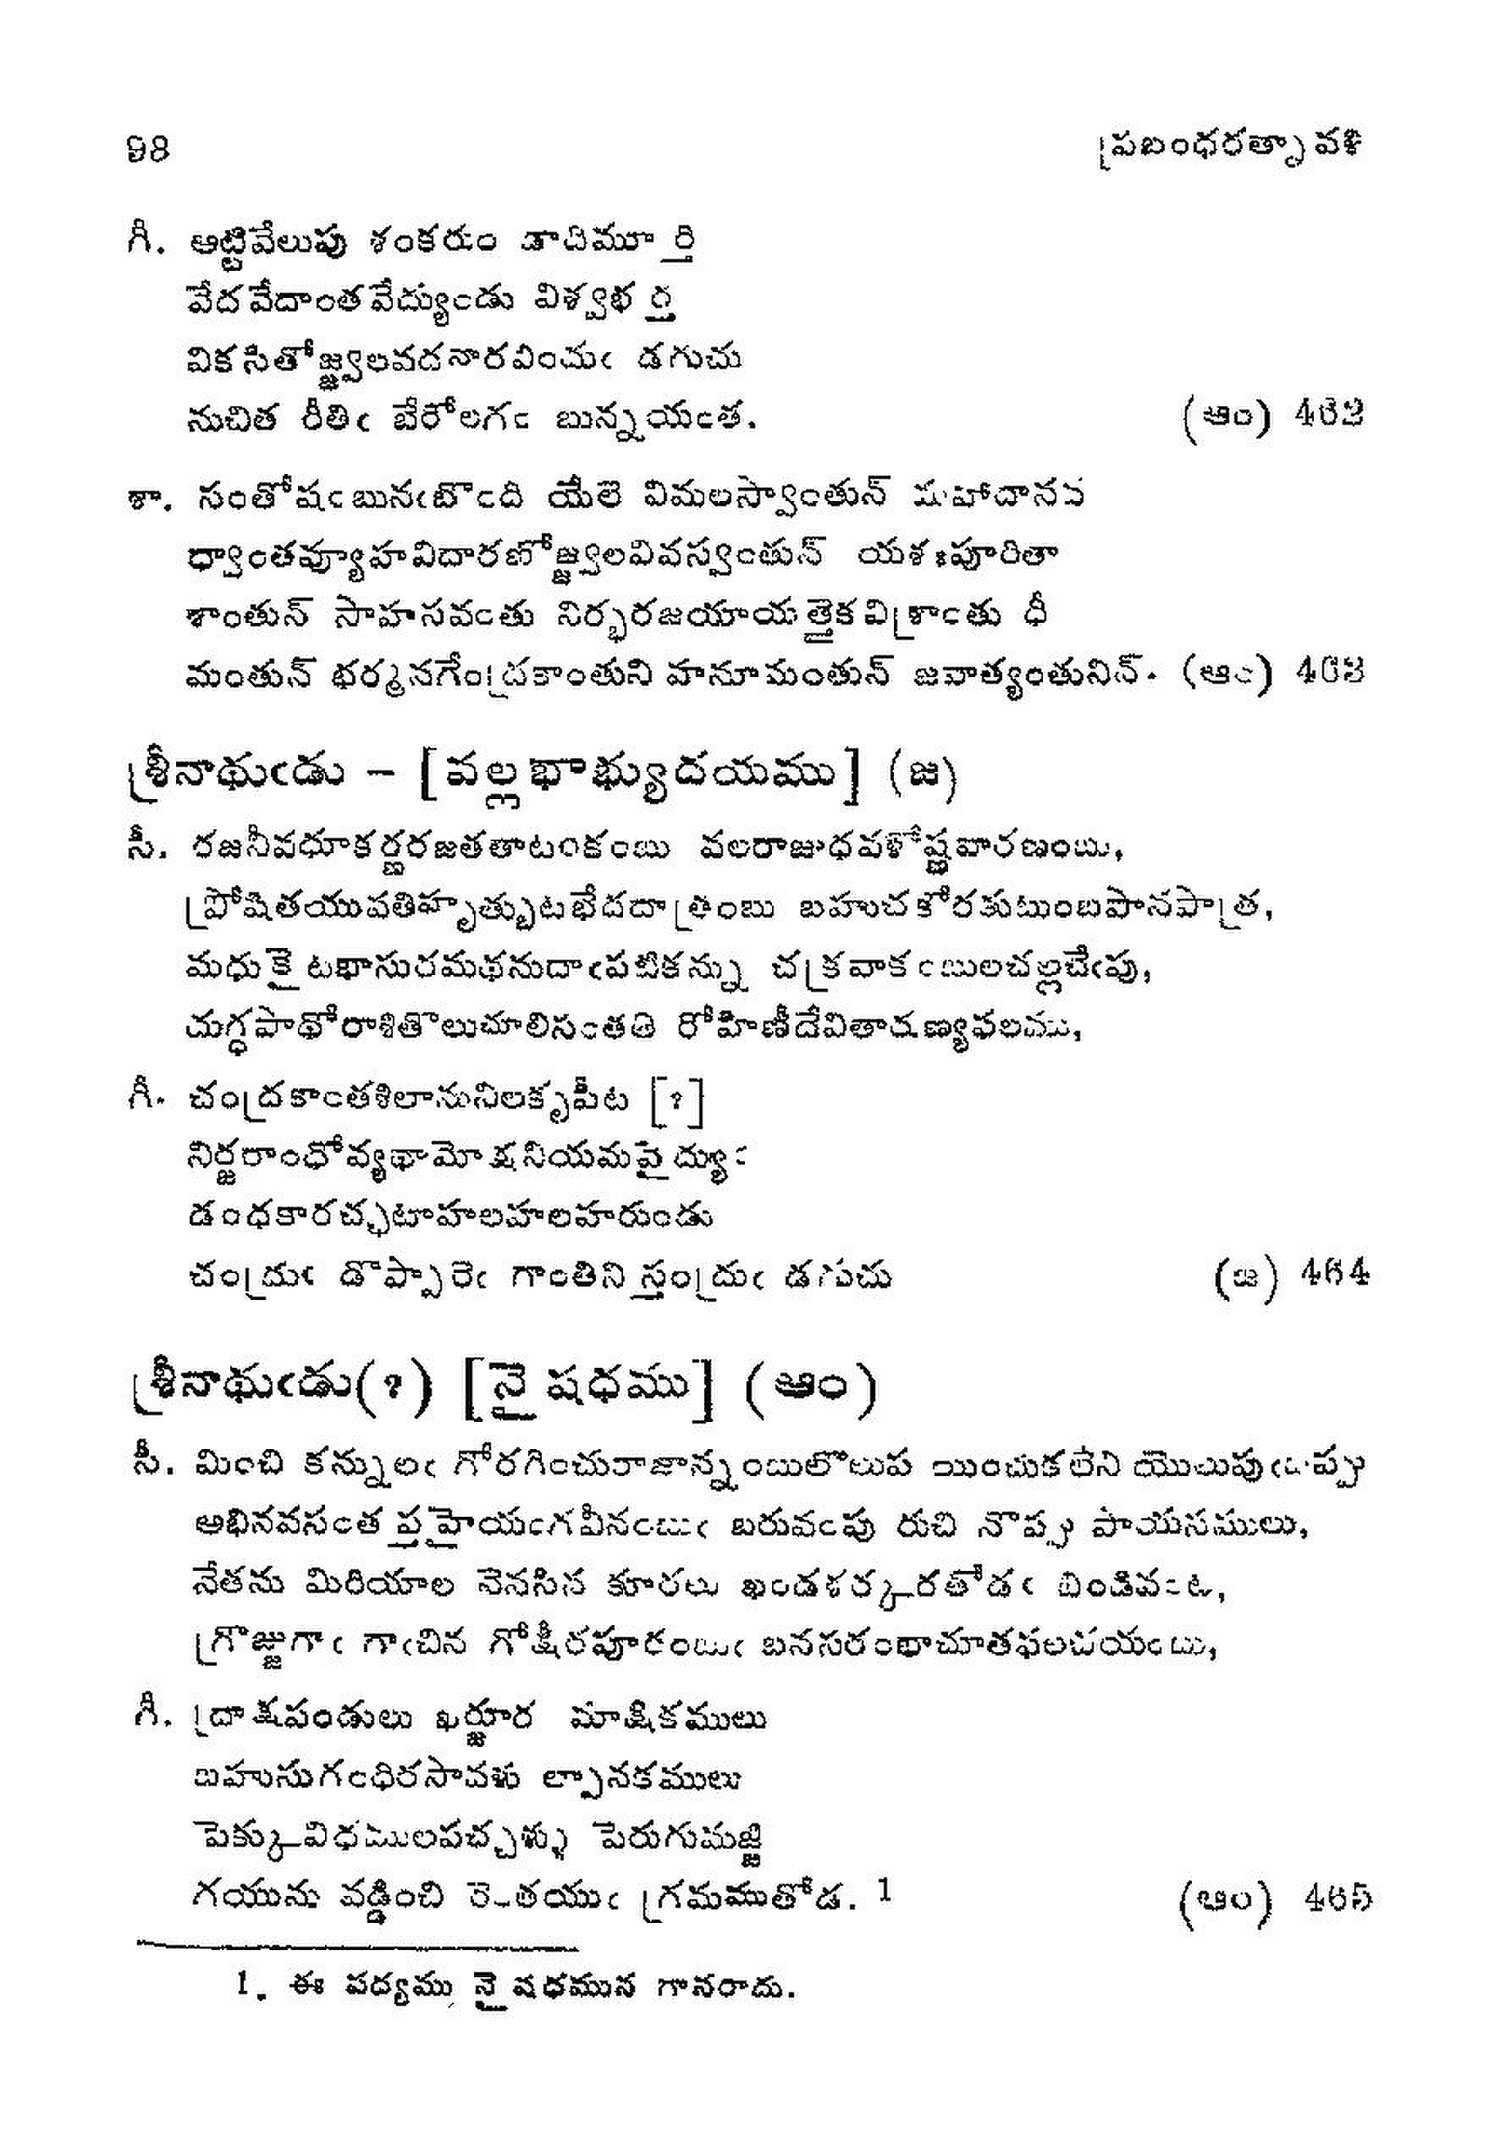గీ. అట్టి వేలుపు శంకరుండాదిమూర్తి
వేదవేదాంతవేద్యుండు విశ్వభర్త
విసకితోజ్జ్వల వదనారవిందుఁ డగుచు
నుచిత రీతిఁ బేరోలగం బున్నయంత. (ఆం) 462

శా. సంతోషంబునఁబొంది యేలె విమలస్వాంతున్ మహాదానవ
ధ్వాంతవ్యూహవిదారణోజ్జ్వల వివస్వంతున్ యశఃపూరితా
శాంతున్ సాహసవంతు నిర్భర జయాయత్తైకవిశ్రాంతు ధీ
మంతున్ భర్మనగేంద్రకాంతుని హనూమంతున్ జవాత్యంతునిన్. (ఆం) 463

శ్రీనాథుఁడు [వల్లభాభ్యుదయము] (జ)
సీ. రజనీవధూకర్ణ రజతతాటంకంబు వలరాజు ధవళోష్ణ వారణంబు
ప్రోషితయువతి హృత్పుటభేదదాత్రంబు బహుచకోర కుటుంబ పానపాత్ర
మధుకైటభాసుర మథనుదాఁపటికన్ను చక్రవాకంబుల చల్లచేఁపు
దుగ్ధపాథోరాశి తొలిచూలిసంతతి రోహిణీదేవితారుణ్యఫలము
తే. చంద్రకాంతశిలానునిలకృపీట[?]
నిర్జరాంధోవ్యథా మోక్షనియమవైద్యుఁ
డంధకారచ్ఛటా హలాహలహరుండు
చంద్రుఁడొప్పారెఁ గాంతి నిస్తంద్రుఁడగుచు. (జ) 464

శ్రీనాథుఁడు (?) [నైషధము] (ఆం)
సీ. మించి కన్నులఁ గోరగించు రాజాన్నంబు లొలుప యించుకలేని యొలుపుఁబప్పు
అభినవసంతప్త హైయంగవీనంబుఁ బరువంపు రుచినొప్పు పాయసములు
నేతను మిరియాల నెనసిన కూరలు ఖండశర్కరతోడఁ బిండివంట
గ్రొజ్జుగాఁ గాంచిన గోక్షీరపూరంబుఁ బనస రంభా చూతఫలచయంబు
గీ. ద్రాక్షపండులు ఖర్జూర మాక్షికములు
బహుసుగంధిరసావళు ల్పానకములు
పెక్కువిధముల పచ్చళ్ళు పెరుగు మజ్జి
గయును వడ్డించి రెంతయుఁ గ్రమముతోడ. (ఆం) 465